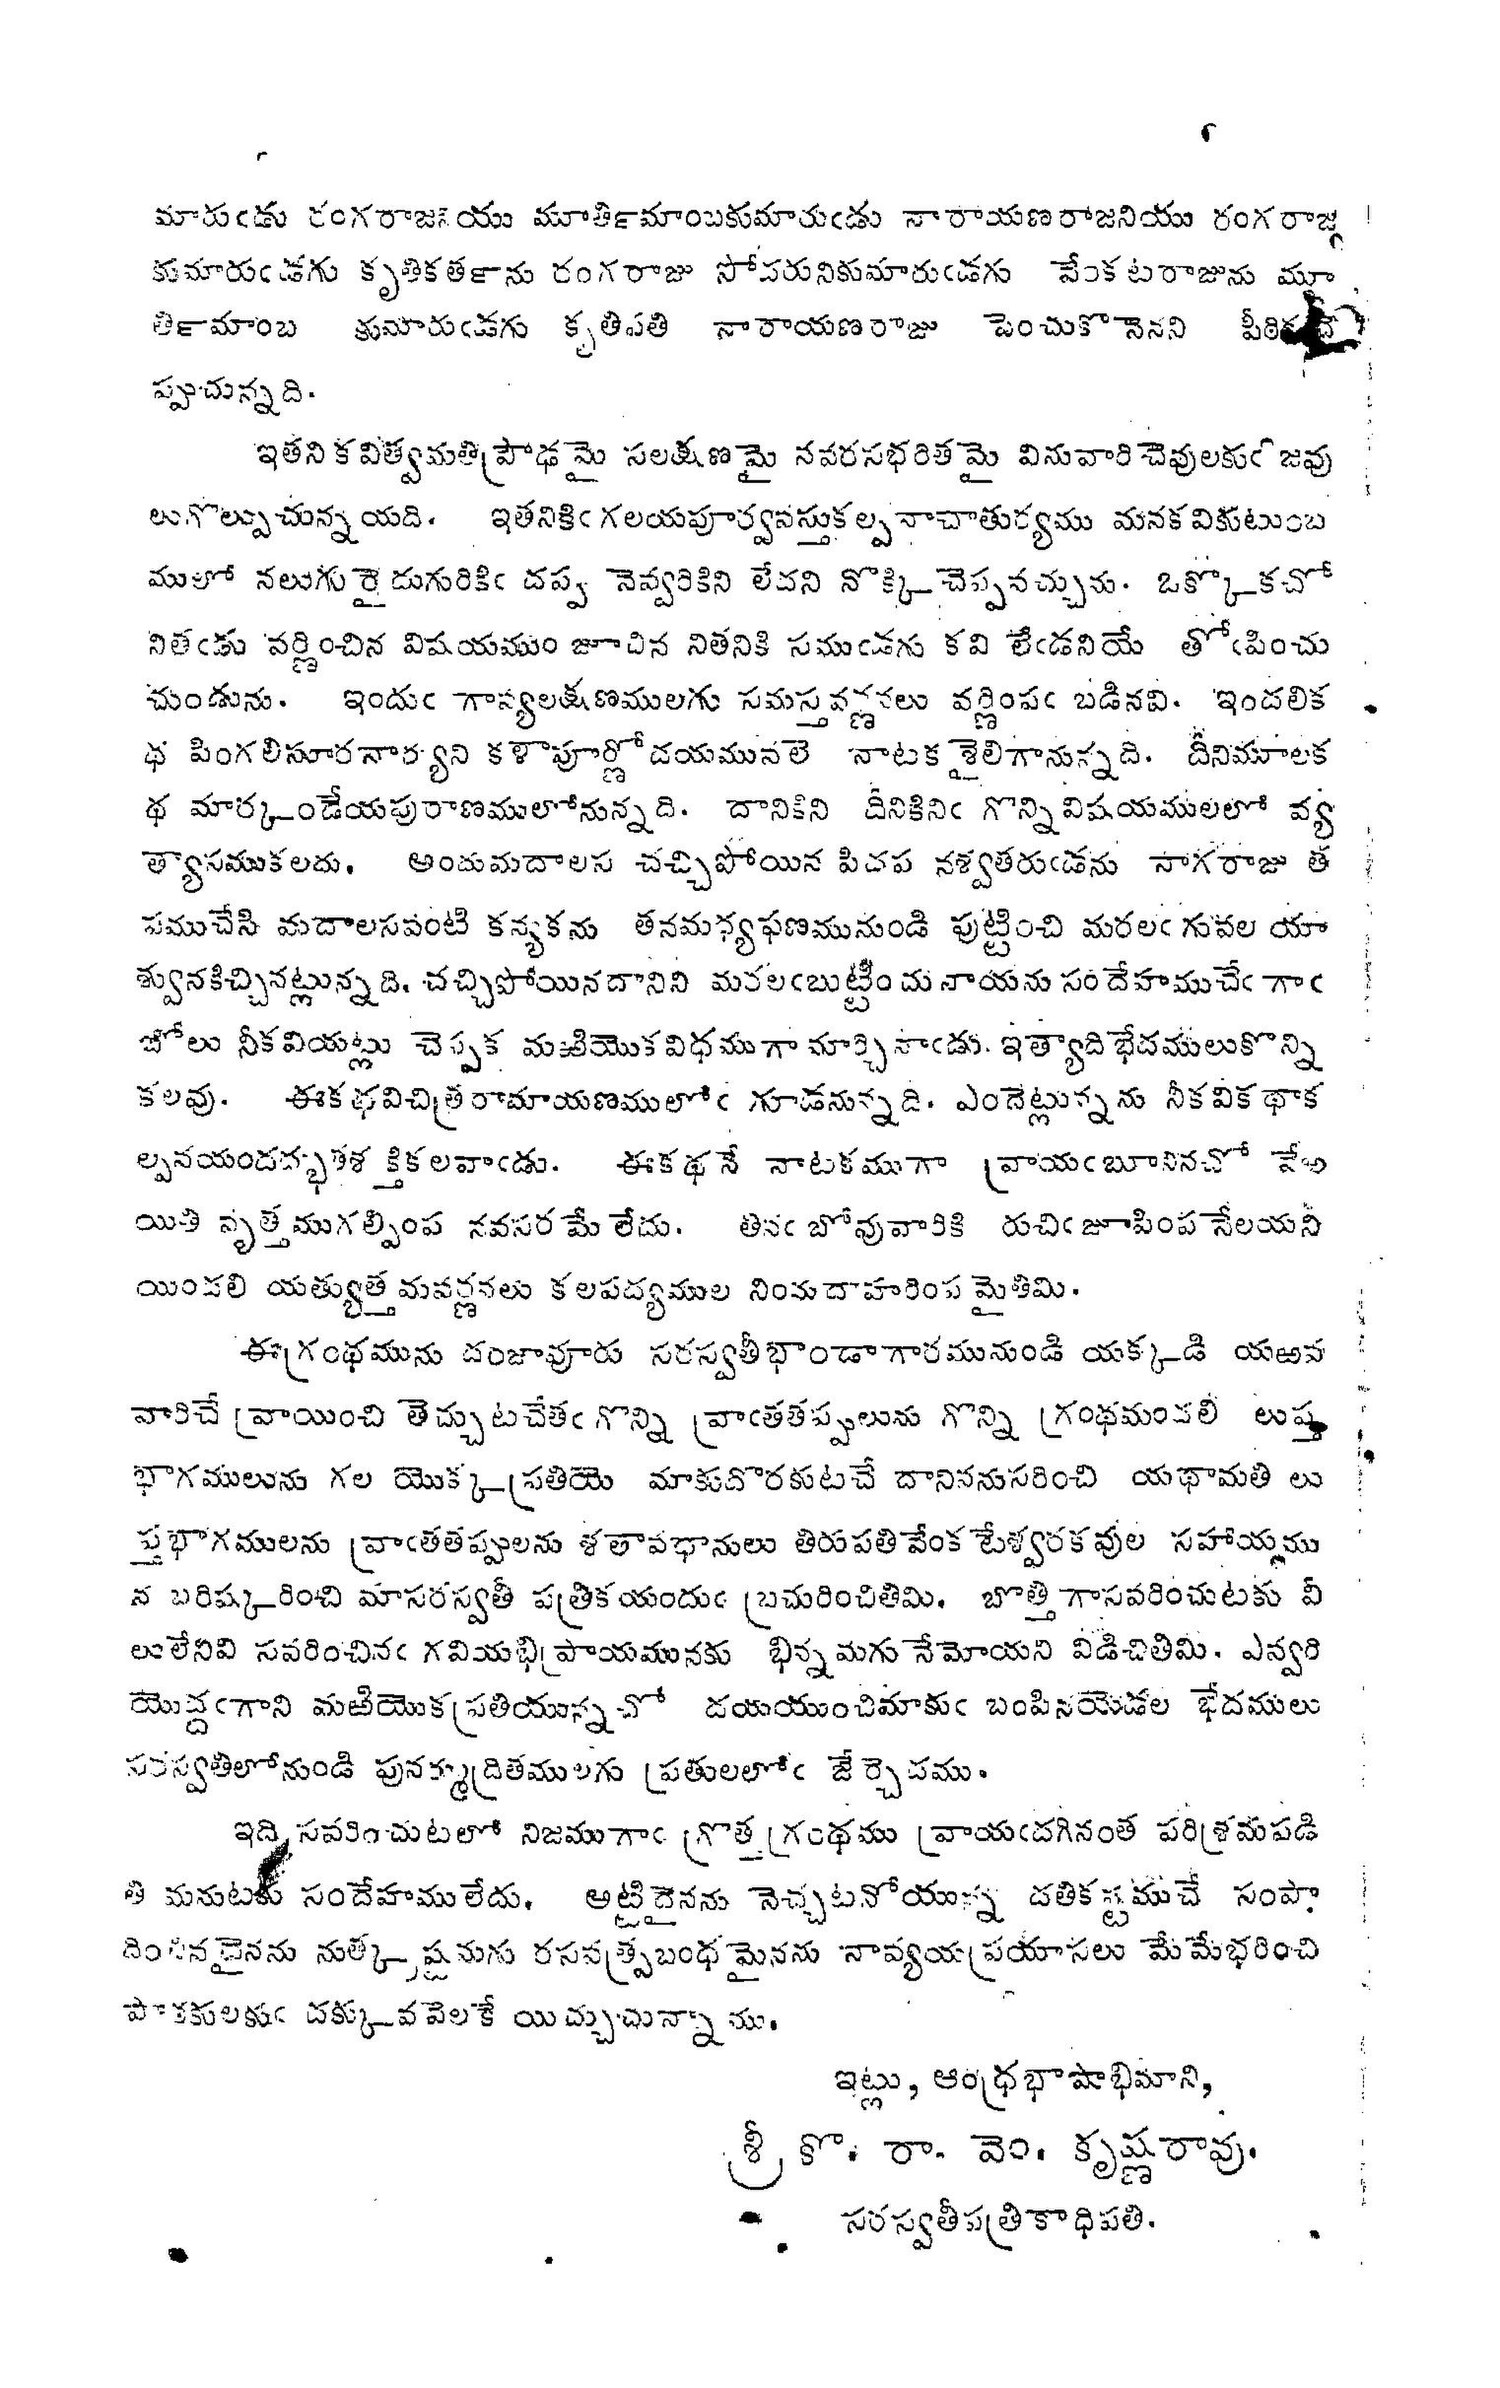మారుఁడు రంగరాజనియు మూర్తిమాంబకుమారుఁడు నారాయణరాజనియు రంగరాజుకుమారుఁ డగు కృతికర్తను రంగరాజు సోదరునికుమారుఁడగు వేంకటరాజును మూర్తిమాంబ కుమారుఁడగు కృతిపతి నారాయణరాజు పెంచుకొనెనని పీఠిక చెప్పుచున్నది.

ఇతని కవిత్వమతిప్రౌఢమై సలక్షణమై నవరసభరితమై వినువారిచెవులకుఁ జవులుగొల్పుచున్నయది. ఇతనికిఁ గల యపూర్వవస్తుకల్పనాచాతుర్యము మనకవికుటుంబములో నలుగురైదుగురికిఁ దప్ప నెవ్వరికిని లేదని నొక్కి చెప్పవచ్చును. ఒక్కొకచో నితఁడు వర్ణించిన విషయముం జూచిన నితనికి సముఁడగు కవి లేఁడనియే తోఁపించుచుండును. ఇందుఁ గావ్యలక్షణములగు సమస్తవర్ణనలు వర్ణింపఁబడినవి. ఇందలికథ పింగలి సూరనార్యని కళాపూర్ణోదయమువలె నాటకశైలిగా నున్నది. దీనిమూలకథ మార్కండేయపురాణములో నున్నది. దానికిని దీనికినిఁ గొన్నివిషయములలో వ్యత్యాసము కలదు. అందు మదాలస చచ్చిపోయిన పిదప నశ్వతరుఁడను నాగరాజు తపము చేసి మదాలసవంటి కన్యకను తనమధ్యఫణమునుండి పుట్టించి మరలఁ గువలయాశ్వున కిచ్చినట్లున్నది. చచ్చిపోయినదానిని మరలఁబుట్టించునా యనుసందేహముచేఁ గాఁబోలు నీకవి యట్లు చెప్పక మఱియొకవిధముగా మార్చినాఁడు. ఇత్యాదిభేదములు కొన్ని కలవు. ఈకథ విచిత్రరామాయణములోఁ గూడ నున్నది. ఎందెట్లున్నను నీకవి కథాకల్పనయం దద్బుతశక్తి కలవాఁడు. ఈకథనే నాటకముగా వ్రాయఁబూనినచో వేఱ యితివృత్తము గల్పింప నవసరమే లేదు. తినఁబోవువారికి రుచిఁ జూపింపనేల యని యిందలి యత్యుత్తమవర్ణనలు కలపద్యముల నిం దుదాహరింపమైతిమి.

ఈగ్రంథమును దంజావూరు సరస్వతీభాండాగారమునుండి యక్కడి యఱవవారిచే వ్రాయించి తెచ్చుటచేతఁ గొన్నివ్రాఁతతప్పులును గొన్ని గ్రంథమందలి లుప్తభాగములును గల యొక్కప్రతియె మాకు దొరకుటచే దాని ననుసరించి యథామతి లుప్తభాగములను వ్రాఁతతప్పులను శతావధానులు తిరుపతివేంకటేశ్వరకవుల సహాయమున బరిష్కరించి మాసరస్వతీపత్రికయందుఁ బ్రచురించితిమి. బొత్తిగా సవరించుటకు వీలు లేనివి సవరించినఁ గవియభిప్రాయమునకు భిన్న మగునేమోయని విడిచితిమి. ఎవ్వరియొద్దఁ గాని మఱియొకప్రతి యున్నచో దయయుంచి మాకుఁ బంపినయెడల భేదములు సరస్వతిలోనుండి పునర్ముద్రితము లగుప్రతులలోఁ జేర్చెదము.

ఇది సవరించుటలో నిజముగాఁ కొత్తగ్రంథము వ్రాయఁదగినంత పరిశ్రమపడితి మనుటకు సందేహము లేదు. అట్టిదైనను నెచ్చటనోయున్న దతికష్టముచే సంపాదించినదైనను నుత్కృష్టమగు రసవత్ప్రబంధమైనను నావ్యయప్రయాసలు మేమే భరించి పాఠకులకుఁ దక్కువవెలకే యిచ్చుచున్నాము.